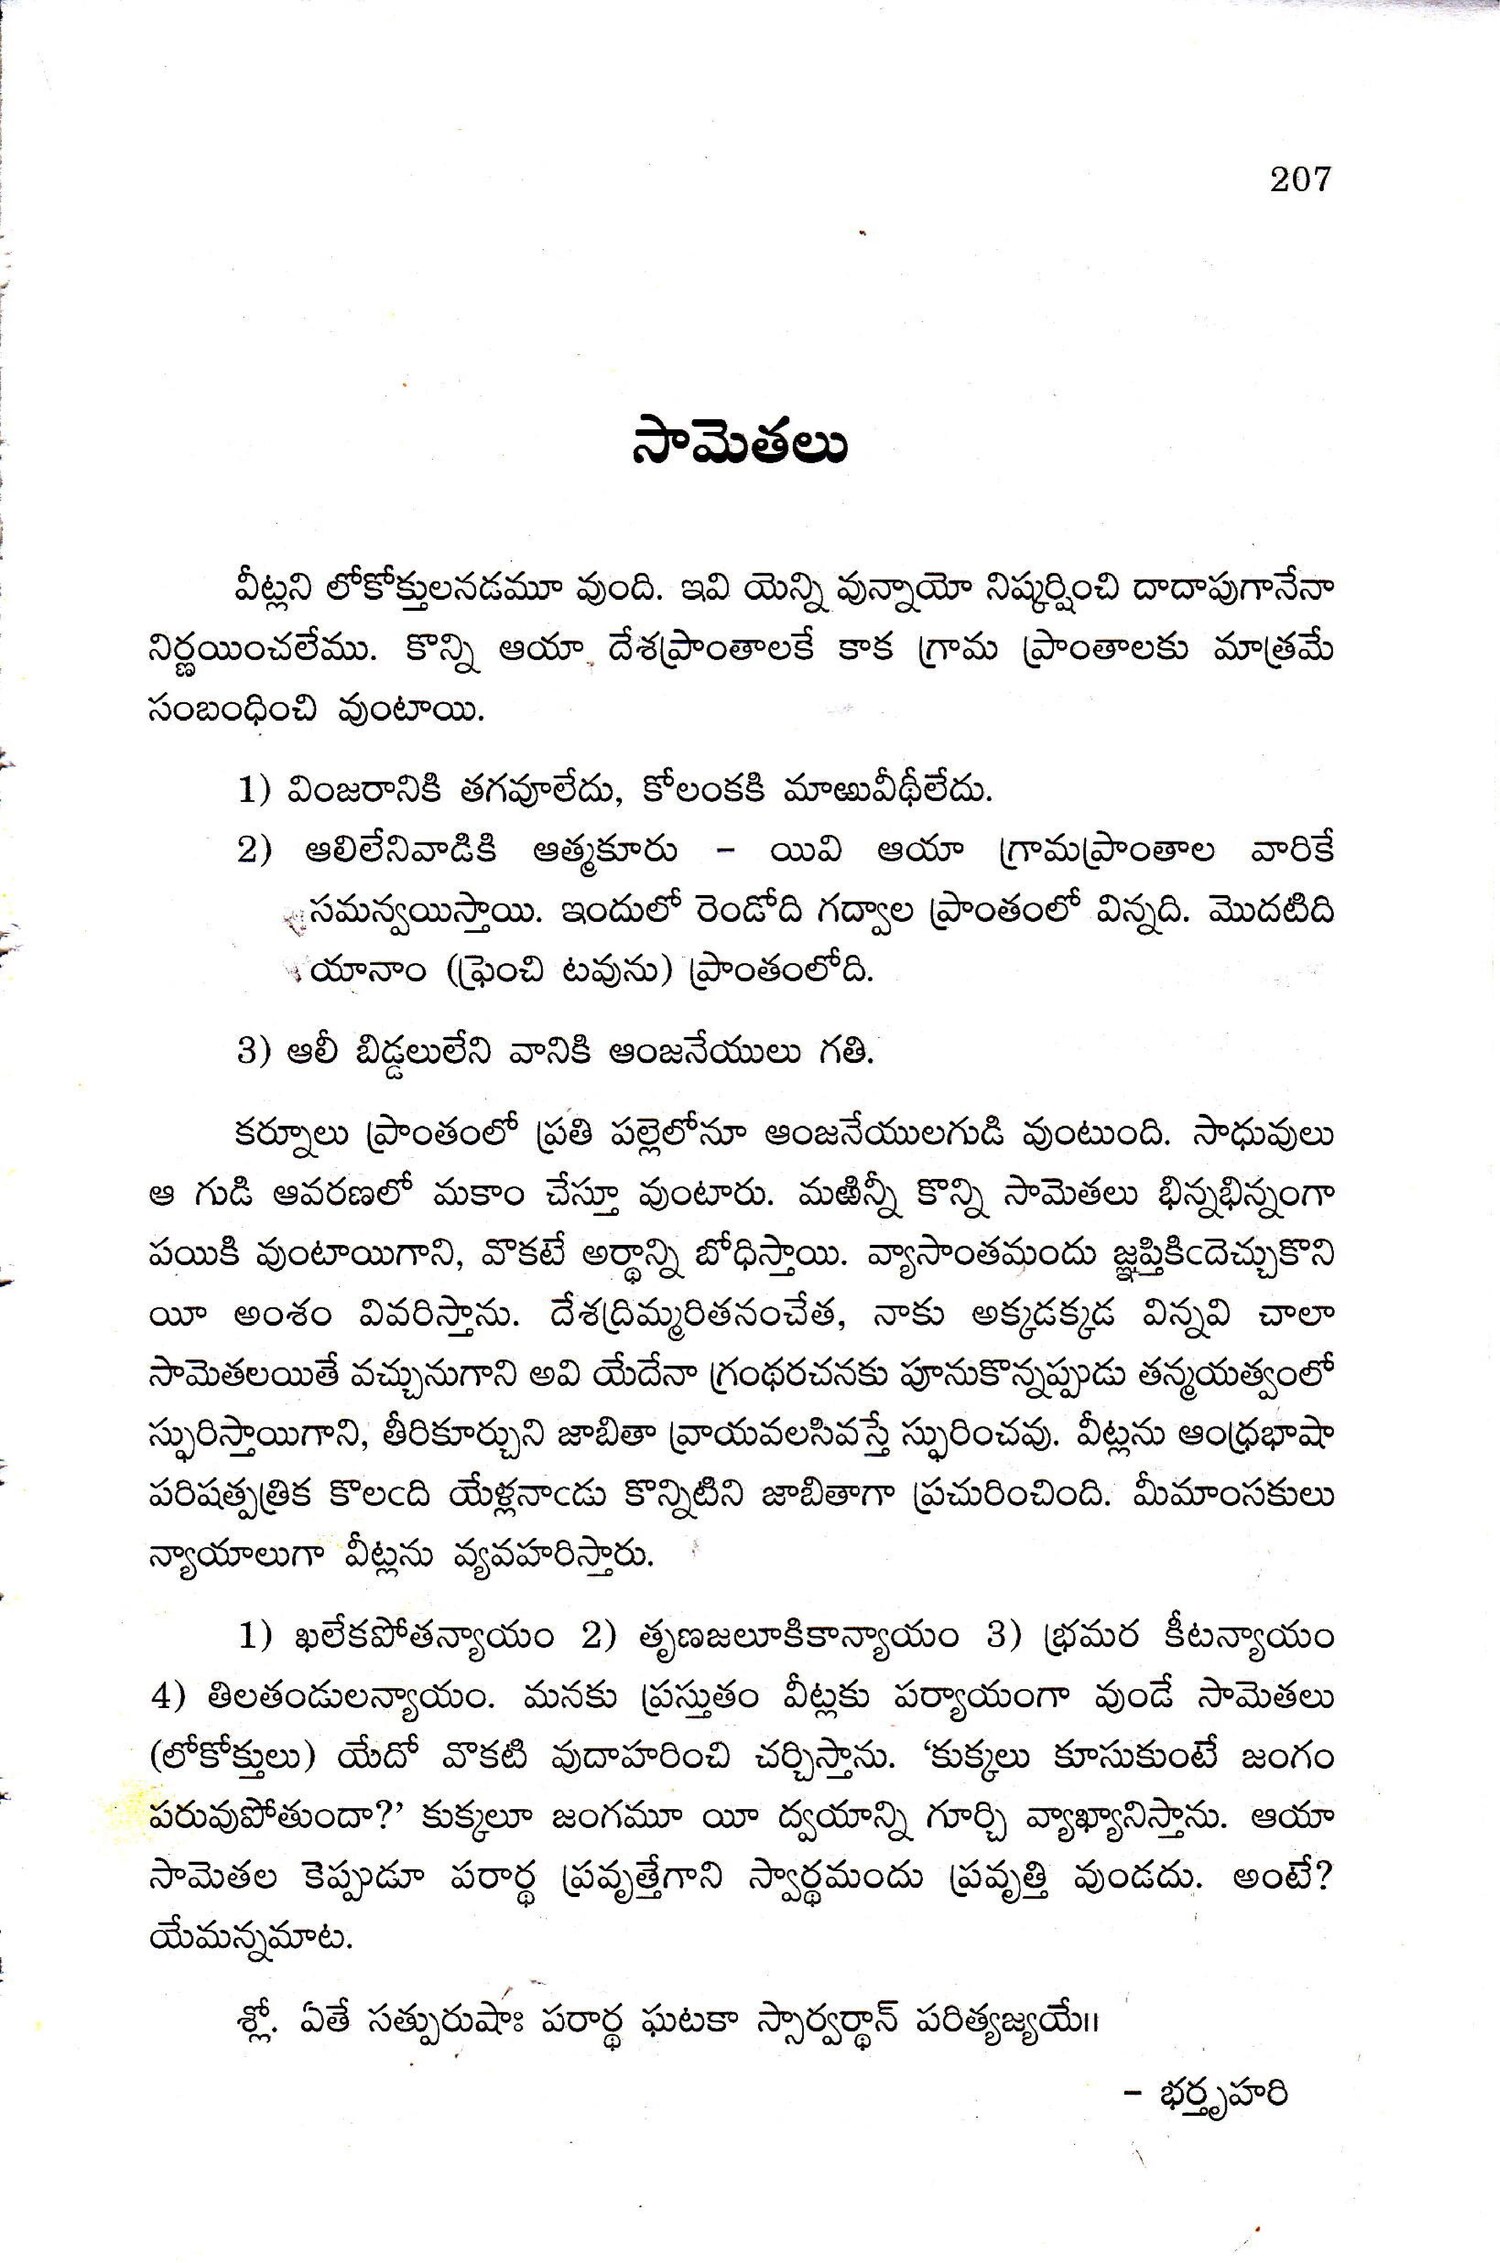సామెతలు

వీట్లని లోకోక్తులనడమూ వుంది. ఇవి యెన్ని వున్నాయో నిష్కర్షించి దాదాపుగానేనా నిర్ణయించలేము. కొన్ని ఆయా దేశప్రాంతాలకే కాక గ్రామ ప్రాంతాలకు మాత్రమే సంబంధించి వుంటాయి.

1) వింజరానికి తగవూలేదు, కోలంకకి మాఱువీధీలేదు.

2) ఆలిలేనివాడికి ఆత్మకూరు - యివి ఆయా గ్రామప్రాంతాల వారికే సమన్వయిస్తాయి. ఇందులో రెండోది గద్వాల ప్రాంతంలో విన్నది. మొదటిది యానాం (ఫ్రెంచి టవును) ప్రాంతంలోది.

3) ఆలీ బిడ్డలులేని వానికి ఆంజనేయులు గతి.

కర్నూలు ప్రాంతంలో ప్రతి పల్లెలోనూ ఆంజనేయులగుడి వుంటుంది. సాధువులు ఆ గుడి ఆవరణలో మకాం చేస్తూ వుంటారు. మఱిన్నీ కొన్ని సామెతలు భిన్నభిన్నంగా పయికి వుంటాయిగాని, వొకటే అర్థాన్ని బోధిస్తాయి. వ్యాసాంతమందు జ్ఞప్తికిఁదెచ్చుకొని యీ అంశం వివరిస్తాను. దేశద్రిమ్మరితనంచేత, నాకు అక్కడక్కడ విన్నవి చాలా సామెతలయితే వచ్చునుగాని అవి యేదేనా గ్రంథరచనకు పూనుకొన్నప్పుడు తన్మయత్వంలో స్ఫురిస్తాయిగాని, తీరికూర్చుని జాబితా వ్రాయవలసివస్తే స్ఫురించవు. వీట్లను ఆంధ్రభాషా పరిషత్పత్రిక కొలఁది యేళ్లనాఁడు కొన్నిటిని జాబితాగా ప్రచురించింది. మీమాంసకులు న్యాయాలుగా వీట్లను వ్యవహరిస్తారు. -

1) ఖలేకపోతన్యాయం 2) తృణజలూకికాన్యాయం 3) భ్రమర కీటన్యాయం 4) తిలతండులన్యాయం. మనకు ప్రస్తుతం వీట్లకు పర్యాయంగా వుండే సామెతలు (లోకోక్తులు) యేదో వొకటి వుదాహరించి చర్చిస్తాను. 'కుక్కలు కూసుకుంటే జంగం పరువుపోతుందా?' కుక్కలూ జంగమూ యి ద్వయాన్ని గూర్చి వ్యాఖ్యానిస్తాను. ఆయా సామెతల కెప్పుడూ పరార్థ ప్రవృత్తేగాని స్వార్ధమందు ప్రవృత్తి వుండదు. అంటే? యేమన్నమాట. 

శ్లో. ఏతే సత్పురుషాః పరార్ధ ఘటకా స్సార్వర్థాన్ పరిత్యజ్యయేII